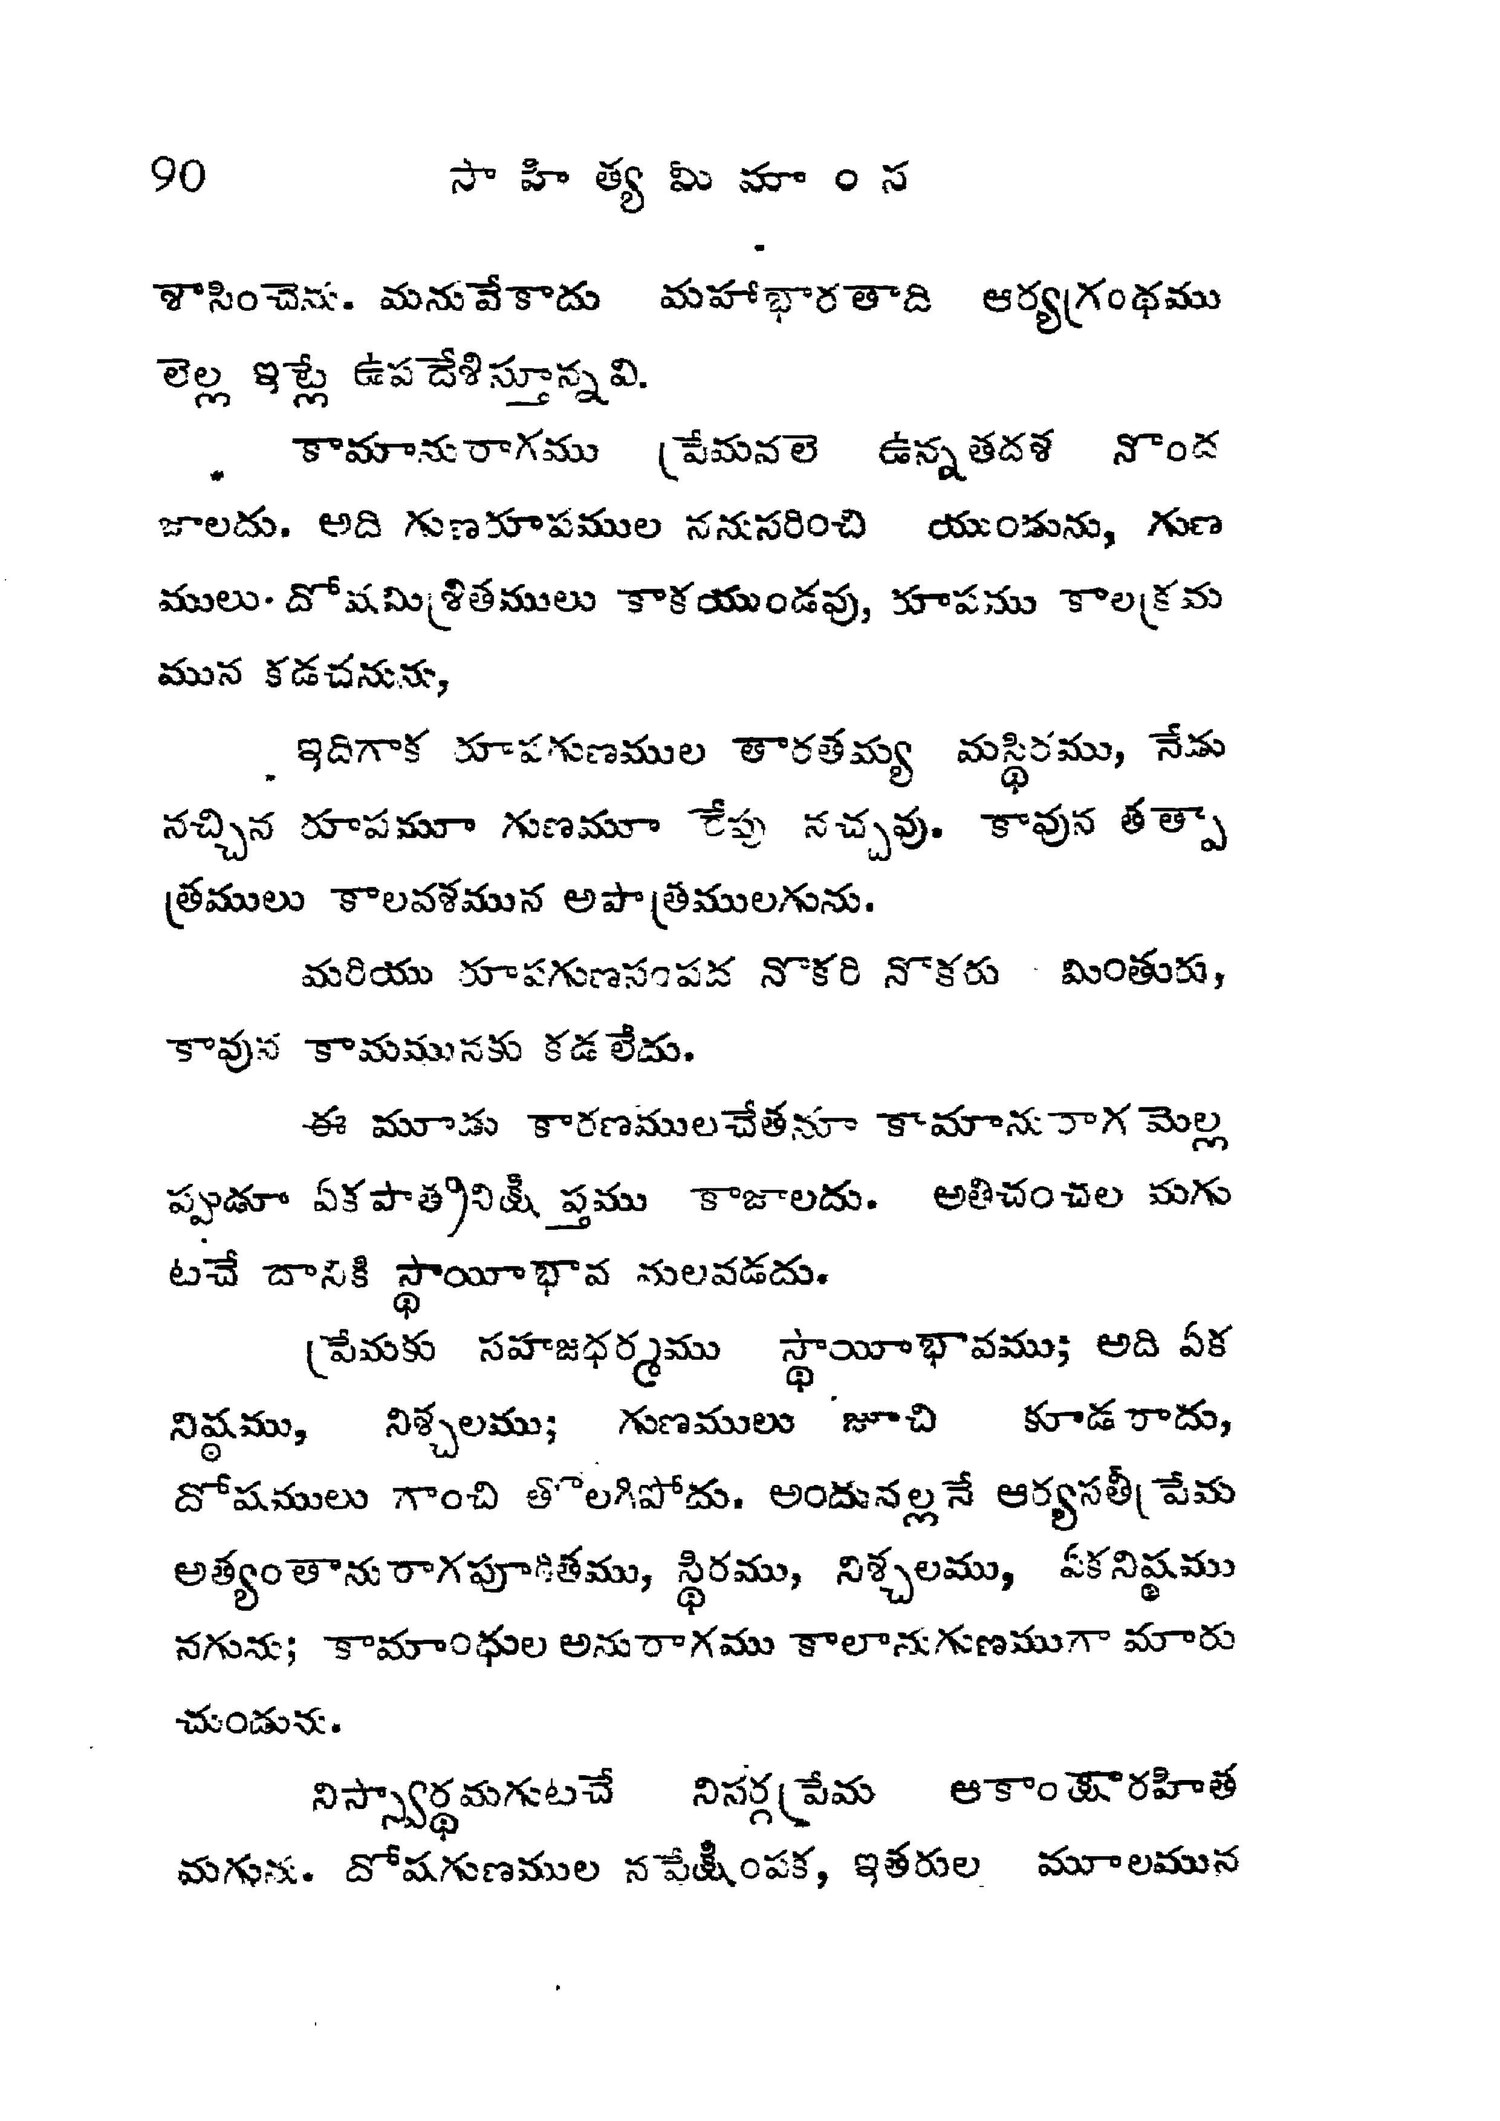శాసించెను. మనువేకాదు మహాభారతాది ఆర్యగ్రంథము లెల్ల ఇట్లే ఉపదేశిస్తూన్నవి.

కామానురాగము ప్రేమవలె ఉన్నతదశ నొంద జాలదు. అది గుణరూపముల ననుసరించి యుండును, గుణములు దోషమిశ్రితములు కాకయుండవు, రూపము కాలక్రమమున కడచనును,

ఇదిగాక రూపగుణముల తారతమ్య మస్థిరము, నేడు నచ్చిన రూపమూ గుణమూ రేపు నచ్చవు. కావున తత్పాత్రములు కాలవశమున అపాత్రములగును.

మరియు రూపగుణసంపద నొకరి నొకరు మింతురు, కావున కామమునకు కడలేదు.

ఈ మూడు కారణములచేతనూ కామానురాగమెల్లప్పడూ ఏకపాత్రనిక్షిప్తము కాజాలదు. అతిచంచల మగుటచే దానికి స్థాయీభావ మలవడదు.

ప్రేమకు సహజధర్మము స్థాయీభావము; అది ఏక నిష్ఠము, నిశ్చలము; గుణములు జూచి కూడరాదు, దోషములు గాంచి తొలగిపోదు. అందువల్లనే ఆర్యసతీప్రేమ అత్యంతానురాగపూరితము, స్థిరము, నిశ్చలము, ఏకనిష్ఠము నగును; కామాంధుల అనురాగము కాలానుగుణముగా మారుచుండును.

నిస్స్వార్థమగుటచే నిసర్గప్రేమ ఆకాంక్షారహితమగును. దోషగుణముల నపేక్షింపక, ఇతరుల మూలమున